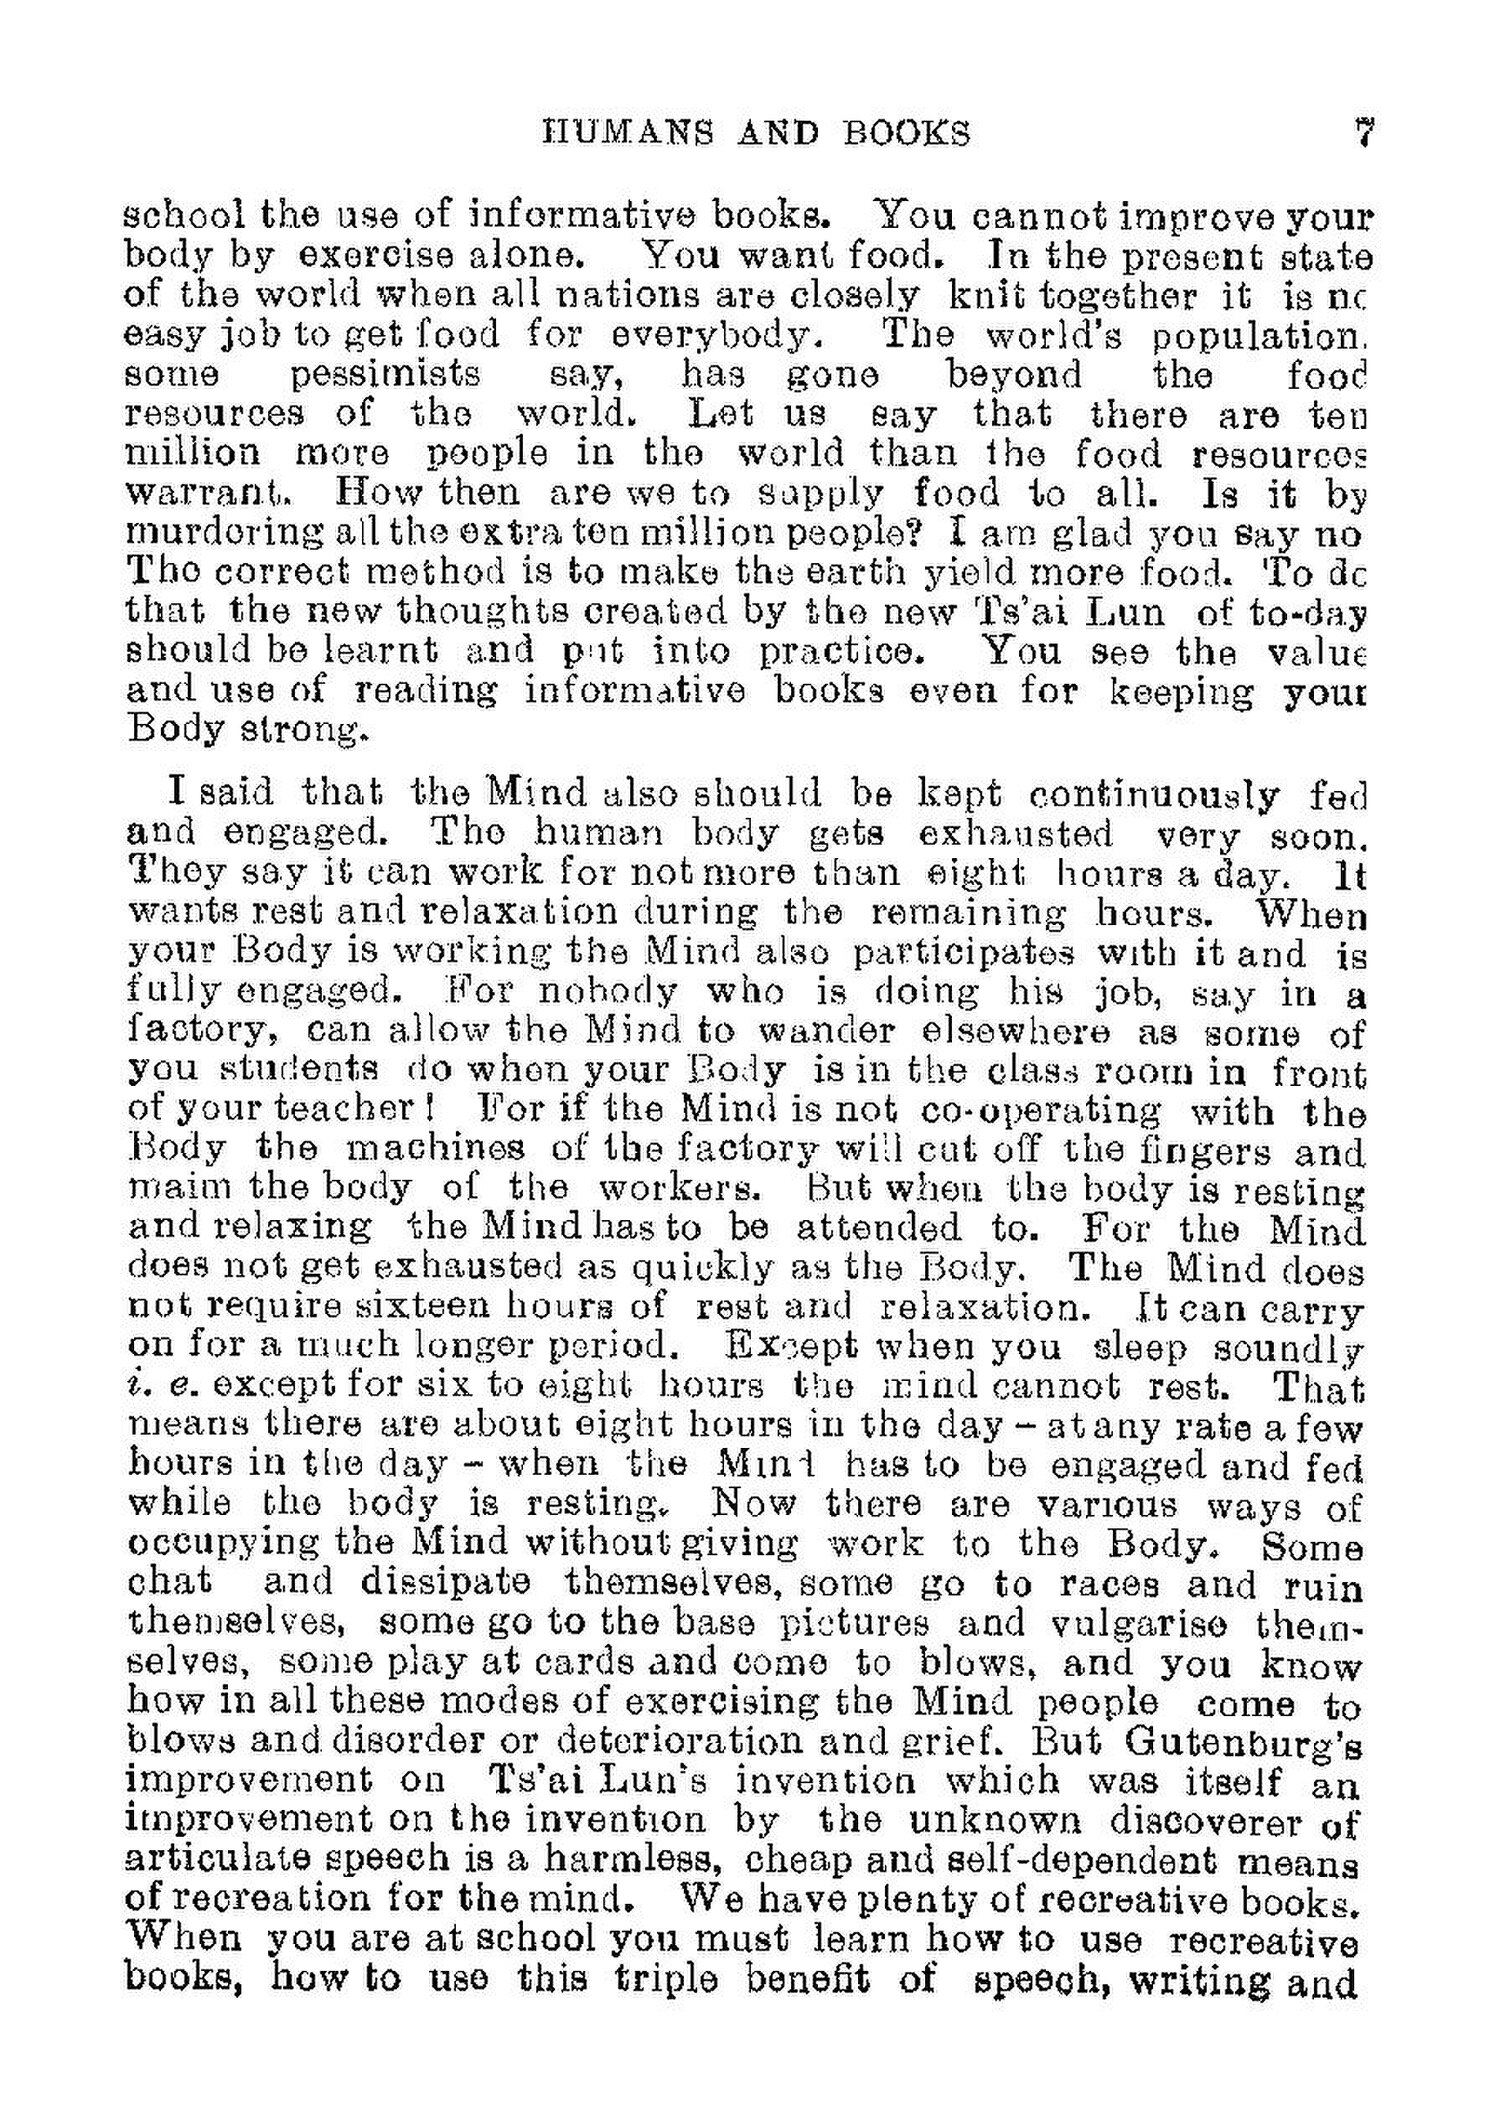school the use of informative books. You cannot improve your body by exercise alone. You want food. In the
present state of the world when all nations are closely knit together it is no easy job to get food for 
everybody. The world's population some pessimists say, has gone beyond the food resources of the world. 
Let us say that there are ten million more people in the world than the food resources warrant. How then 
are we to supply food to all. Is it by murdering's all the extra ten million people? I am glad you say no
the correct method is to make the earth yield more food. To do that the new thoughts created by the new 
Ts'ai Lun of to-day should be learnt and put into practice. You see the value and use of reading informative 
books even for keeping your Body strong. 

I said that the Mind also should be kept continuously fed and engaged. The human body gets exhausted very
soon. They say it can work for not more than eight hours a day. It wants rest and relaxation during the 
remaining hours. When your Body is working the Mind also participates with it and is fully engaged. For 
nobody who is doing his job, say in a factory, can allow the Mind to wander elsewhere as you students do 
when your Body is in the class room in front of your teacher! For if the Mind is not co-operating with the
Body the machines of the factory will cut off the fingers and maim the body of the workers. But when the 
body is resting and relaxing the Mind has to be attended to. For the Mind does not get exhausted as 
quickly as the Body. The Mind does not require sixteen hours of rest and relaxation. It can carry on for 
a much longer period. Except when you sleep soundly i. e. except for six to eight hours the mind cannot 
rest. That means there are about eight hours in the day - at any rate a few hours in the day when the Mind 
has to be engaged and fed while the body is resting. Now there are various ways of occupying the Mind 
without giving work to the Body. Some chat and dissipate themselves, some go to races and ruin themselves,
some go to the base pictures and vulgarize themselves, some play at cards and come to blows, and you know
how in all these modes of exercising the Mind people come to blows and disorder or deterioration and grief. 
But Gutenburg's improvement on Ts'ai Lun's invention which was itself an improvement on the invention by 
the unknown discoverer of articulate speech is a harmless, cheap and self-dependent means of recreation 
for the mind. We have plenty of recreative books. When you are at school you must learn how to use 
recreative books, how to use this triple benefit of speech, writing and